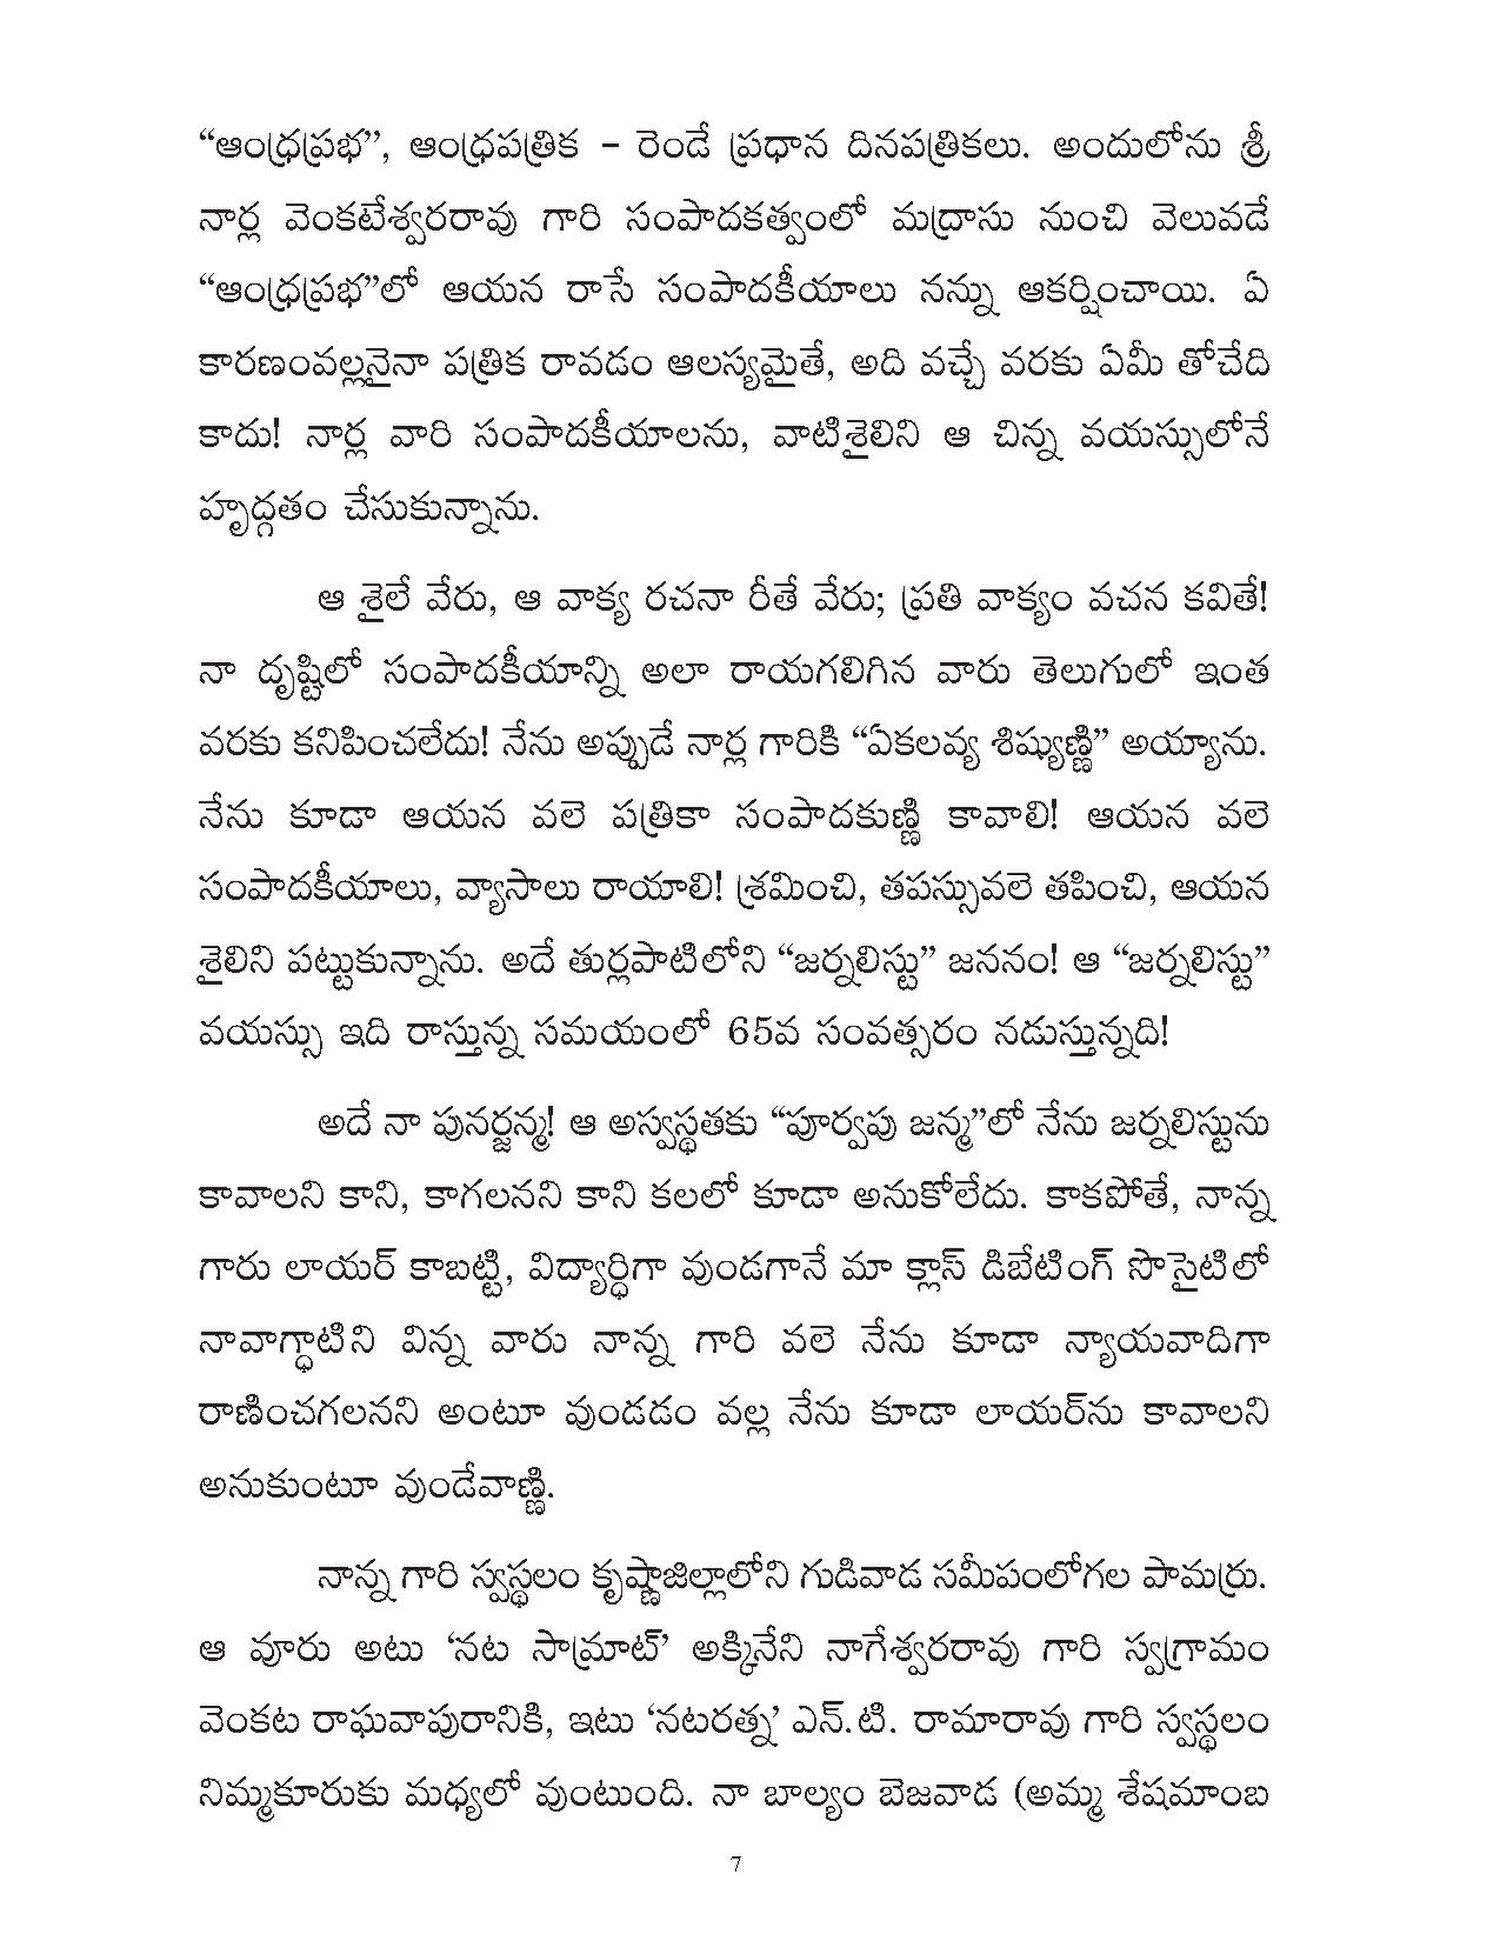"ఆంధ్రప్రభ", ఆంధ్రపత్రిక - రెండే ప్రధాన దినపత్రికలు. అందులోను శ్రీ
నార్ల వెంకటేశ్వరరావు గారి సంపాదకత్వంలో మద్రాసు నుంచి వెలువడే
"ఆంధ్రప్రభ"లో ఆయన రాసే సంపాదకీయాలు నన్ను ఆకర్షించాయి. ఏ
కారణంవల్లనైనా పత్రిక రావడం ఆలస్యమైతే, అది వచ్చే వరకు ఏమీ తోచేది
కాదు! నార్ల వారి సంపాదకీయాలను, వాటిశైలిని ఆ చిన్న వయస్సులోనే
హృద్గతం చేసుకున్నాను.

ఆ శైలే వేరు, ఆ వాక్య రచనా రీతే వేరు; ప్రతి వాక్యం వచన కవితే!
నా దృష్టిలో సంపాదకీయాన్ని అలా రాయగలిగిన వారు తెలుగులో ఇంత
వరకు కనిపించలేదు! నేను అప్పుడే నార్ల గారికి "ఏకలవ్య శిష్యుణ్ణి" అయ్యాను.
నేను కూడా ఆయన వలె పత్రికా సంపాదకుణ్ణి కావాలి! ఆయన వలె
సంపాదకీయాలు, వ్యాసాలు రాయాలి! శ్రమించి, తపస్సువలె తపించి, ఆయన
శైలిని పట్టుకున్నాను. అదే తుర్లపాటిలోని "జర్నలిస్టు" జననం! ఆ "జర్నలిస్టు"
వయస్సు ఇది రాస్తున్న సమయంలో 65వ సంవత్సరం నడుస్తున్నది!

అదే నా పునర్జన్మ! ఆ అస్వస్థతకు "పూర్వపు జన్మ"లో నేను జర్నలిస్టును
కావాలని కాని, కాగలనని కాని కలలో కూడా అనుకోలేదు. కాకపోతే, నాన్న
గారు లాయర్‌ కాబట్టి, విద్యార్ధిగా వుండగానే మా క్లాస్‌ డిబేటింగ్‌ సొసైటిలో
నావాగ్ధాటిని విన్న వారు నాన్న గారి వలె నేను కూడా న్యాయవాదిగా
రాణించగలనని అంటూ వుండడం వల్ల నేను కూడాలాయర్‌ను కావాలని
అనుకుంటూ వుండేవాణ్ణి.

నాన్న గారి స్వస్థలం కృష్ణాజిల్లాలోని గుడివాడ సమీపంలోగల పామర్రు.
ఆ వూరు అటు 'నట సామ్రాట్‌' అక్కినేని నాగేశ్వరరావు గారి స్వగ్రామం
వెంకట రాఘవాపురానికి, ఇటు 'నటరత్న' ఎన్‌.టి. రామారావు గారి స్వస్థలం
నిమ్మకూరుకు మధ్యలో వుంటుంది. నా బాల్యం బెజవాడ (అమ్మ శేషమాంబ